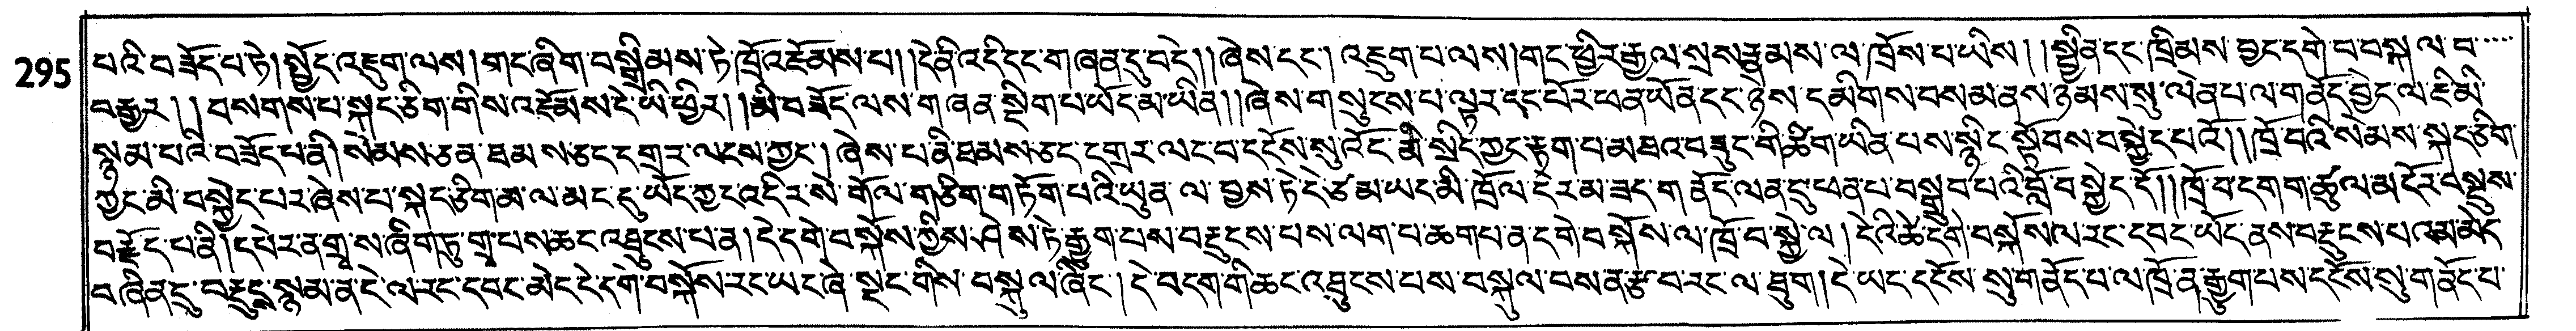པའི་བཟོད་པ་ཏེ། སྤྱོད་འཇུག་ལས། གང་ཞིག་བསྒྲིབས་ཏེ་ཁྲོ་འཇོམས་པ། །དེ་ནི་འདི་དང་གཞན་དུ་བདེ། །ཞེས་དང་། འཇུག་པ་ལས། གང་ཕྱིར་རྒྱལ་སྲས་རྣམས་ལ་ཁྲོས་པ་ཡིས། །སྦྱིན་དང་ཁྲིམས་བྱང་དགེ་བ་བསྐལ་བ་
བརྒྱར། །བསགས་པ་སྐད་ཅིག་གིས་འཇོམས་དེ་ཡི་ཕྱིར། །མི་བཟོད་ལས་གཞན་སྡིག་པ་ཡོད་མ་ཡིན། །ཞེས་གསུངས་པ་ལྟར་དང་པོར་ཕན་ཡོན་དང་ཉེས་དམིགས་བསམ་ནས་ཉམས་སུ་ལེན་པ་ལ་གནོད་བྱེད་ལ་ཇི་མི་
སྙམ་པའི་བཟོད་པ་ནི། སེམས་ཅན་ཐམས་ཅད་དགྲར་ལངས་ཀྱང་། ཞེས་པ་ནི་ཐམས་ཅད་དགྲར་ལང་པ་དངོས་སུ་འོང་མི་སྲིད་ཀྱང་རྟག་པ་མཐའ་བཟུང་གི་ཚིག་ཡིན་པས་སྙིང་སྟོབས་བསྐྱེད་པའོ། །ཁྲོ་བའི་སེམས་སྐད་ཅིག་
ཀྱང་མི་བསྐྱེད་པར་ཞེས་པ་སྐད་ཅིག་མ་ལ་མང་དུ་ཡོད་ཀྱང་འདིར་སེ་གོལ་གཅིག་གཏོག་པའི་ཡུན་ལ་བྱས་ཏེ་དེ་ཙམ་ཡང་མི་ཁྲོལ་དེར་མ་ཟད་གནོད་ལན་དུ་ཕན་པ་བསྒྲུབ་པའི་བློ་བསྐྱེད་དོ། །ཁྲོ་བ་དག་ཚུལ་མདོར་བསྡུས་
བརྗོད་པ་ནི། དཔེར་ན་གྲྭ་ས་ཞིག་ཏུ་གྲྭ་པས་ཆང་འཐུངས་པ་ན། དེ་དགེ་བསྐོས་ཀྱིས་ཤེས་ཏེ་རྒྱུག་པས་བརྡུངས་པས་ལག་པ་ཆག་པ་ན་དགེ་བསྐོས་ལ་ཁྲོ་བ་སྐྱེ་ལ། དེའི་ཚེ་དགེ་བསྐོས་ལ་རང་དབང་ཡོད་ནས་བརྡུངས་པའམ་མེད་
བཞིན་དུ་བརྡུངས་སྙམ་ན་དེ་ལ་རང་དབང་མེད་དེ་དགེ་བསྐོས་རང་ཡང་ཞེ་སྡང་གིས་བསྐུལ་ཞིང་། དེ་བདག་གི་ཆང་འཐུངས་པས་བསྐུལ་བས་ན་རྩ་བ་རང་ལ་ཐུག །དེ་ཡང་དངོས་སུ་གནོད་པ་ལ་ཁྲོ་ན་རྒྱུག་པས་དངོས་སུ་གནོད་པ་